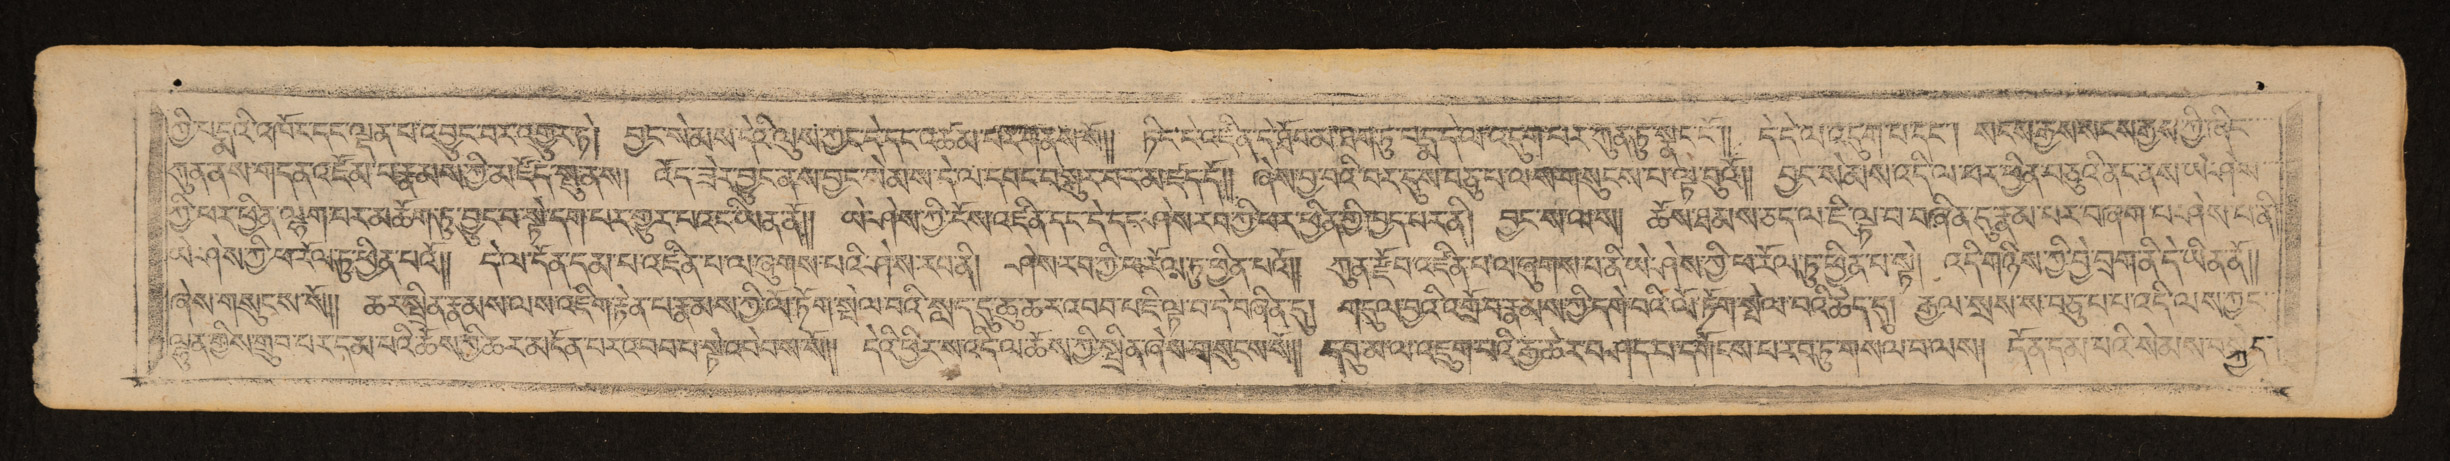ཀྱི་པདྨའི་འཁོར་དང་ལྡན་པ་འབྱུང་བར་འགྱུར་ཏེ། བྱང་སེམས་དེའི་ལུས་ཀྱང་དེ་དང་འཚམ་པར་གནས་སོ།། ཏིང་ངེ་འཛིན་དེ་ཐོབ་མ་ཐག་ཏུ་པདྨ་དེ་ལ་འདུག་པར་ཀུན་ཏུ་སྣང་ངོ།། དེ་དེ་ལ་འདུག་པ་དང་། སངས་རྒྱས་སངས་རྒྱས་ཀྱི་ཞིང་
ཀུན་ནས་གདན་འཛོམ་པ་རྣམས་ཀྱི་མཛོད་སྤུ་ནས། འོད་ཟེར་བྱུང་ནས་བྱང་སེམས་དེ་ལ་དབང་བསྐུར་བར་མཛད་དོ།། ཞེས་བྱ་བའི་བར་དུ་ས་བཅུ་པ་ལས་གསུངས་པ་ལྟ་བུའོ།། བྱང་སེམས་འདི་ལ་ཕར་ཕྱིན་བཅུའི་ནང་ནས་ཡེ་ཤེས་
ཀྱི་ཕར་ཕྱིན་ལྷག་པར་མཆོག་ཏུ་བྱུང་བ་སྟེ་དག་པར་འགྱུར་བའང་ཡིན་ནོ།། ཡེ་ཤེས་ཀྱི་ངོས་འཛིན་དང་དེ་དང་ཤེས་རབ་ཀྱི་ཕར་ཕྱིན་གྱི་ཁྱད་པར་ནི། བྱང་ས་ལས། ཆོས་ཐམས་ཅད་ལ་ཇི་ལྟ་བ་བཞིན་དུ་རྣམ་པར་བཞག་པ་ཤེས་པ་ནི།
ཡེ་ཤེས་ཀྱི་ཕ་རོལ་ཏུ་ཕྱིན་པའོ།། དེ་ལ་དོན་དམ་པ་འཛིན་པ་ལ་ཞུགས་པའི་ཤེས་རབ་ནི། ཤེས་རབ་ཀྱི་ཕ་རོལ་ཏུ་ཕྱིན་པའོ།། ཀུན་རྫོབ་འཛིན་པ་ལ་ཞུགས་པ་ནི་ཡེ་ཤེས་ཀྱི་ཕ་རོལ་ཏུ་ཕྱིན་པ་སྟེ། འདི་གཉིས་ཀྱི་བྱེ་བྲག་ནི་དེ་ཡིན་ནོ།།
ཞེས་གསུངས་སོ།། ཆར་སྤྲིན་རྣམས་ལས་འཇིག་རྟེན་པ་རྣམས་ཀྱི་ལོ་ཏོག་སྤེལ་བའི་སླད་དུ་ཆུ་ཆར་འབབ་པ་ཇི་ལྟ་བ་དེ་བཞིན་དུ། གདུལ་བྱའི་འགྲོ་བ་རྣམས་ཀྱི་དགེ་བའི་ལོ་ཏོག་སྤེལ་བའི་ཆེད་དུ། རྒྱལ་སྲས་ས་བཅུ་པ་པ་འདི་ལས་ཀྱང་
ལྷུན་གྱིས་གྲུབ་པར་དམ་པའི་ཆོས་ཀྱི་ཆར་མངོན་པར་འབབ་པ་སྟེ་འབེབས་སོ།། དེའི་ཕྱིར་ས་འདི་ལ་ཆོས་ཀྱི་སྤྲིན་ཞེས་གསུངས་སོ།། དབུ་མ་ལ་འཇུག་པའི་རྒྱ་ཆེར་བཤད་པ་དགོངས་པ་རབ་ཏུ་གསལ་བ་ལས། དོན་དམ་པའི་སེམས་བསྐྱེད་